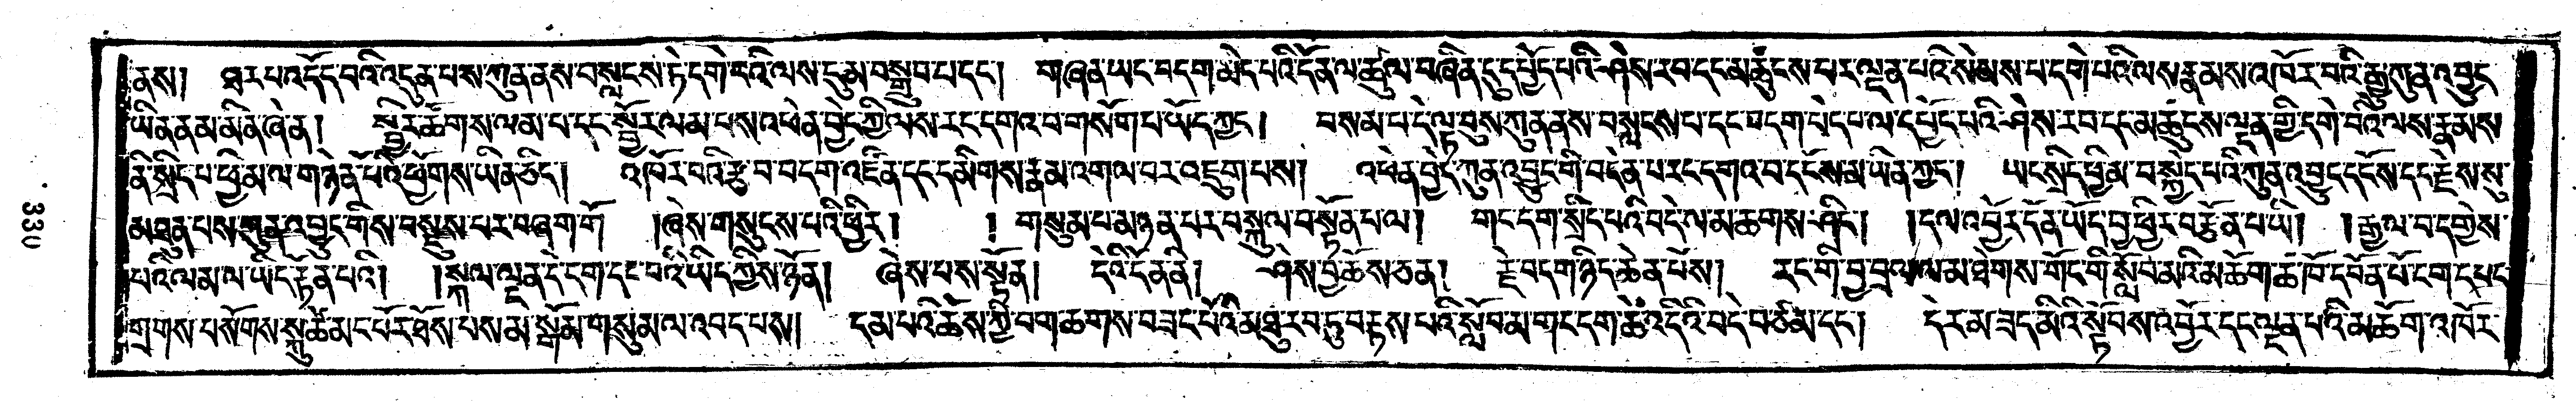ནས། ཐར་པ་འདོད་བའི་འདུན་པས་ཀུན་ནས་བསླངས་ཏེ་དགེ་བའི་ལས་དུ་མ་བསྒྲུབ་པ་དང་། གཞན་ཡང་བདག་མེད་པའི་དོན་ལ་ཚུལ་བཞིན་དུ་དཔྱོད་པའི་ཤེས་རབ་དང་མཚུངས་པར་ལྡན་པའི་སེམས་པ་དགེ་པའི་ལས་རྣམས་འཁོར་བའི་རྒྱུ་ཀུན་འབྱུང་
ཡིན་ནམ་མིན་ཞེ་ན། སྦྱིར་ཚོགས་ལམ་པ་དང་སྦྱོར་ལམ་པས་འཕེན་བྱེད་ཀྱི་ལས་རང་དགའ་བ་གསོག་པ་ཡོད་ཀྱང་། བསམ་པ་དེ་ལྟ་བུས་ཀུན་ནས་བསླངས་པ་དང་བདག་བདེ་པ་ལ་དཔྱོད་པའི་ཤེས་རབ་དང་མཚུངས་ལྡན་གྱི་དགེ་བའི་ལས་རྣམས་
ནི་སྲིད་པ་ཕྱི་མ་ལ་གཉེན་པོའི་ཕྱོགས་ཡིན་ཅིང་། འཁོར་བའི་རྩ་བ་བདག་འཛིན་དང་དམིགས་རྣམ་འགལ་བར་འཇུག་པས། འཕེན་བྱེད་ཀུན་འབྱུང་གི་བདེན་པ་རང་དགའ་བ་དངོས་མ་ཡིན་ཀྱང་། ཡང་སྲིད་ཕྱི་མ་བསྐྱེད་པའི་ཀུན་འབྱུང་དངོས་དང་རྗེས་སུ་
མཐུན་པས་ཀུན་འབྱུང་གིས་བསྡུས་པར་བཞག་གོ །ཞེས་གསུངས་པའི་ཕྱིར། །གསུམ་པ་མཉན་པར་བསྐུལ་བ་སྟོན་པ་ལ། གང་དག་སྲིད་པའི་བདེ་ལ་མ་ཆགས་ཤིང་། །དལ་འབྱོར་དོན་ཡོད་བྱ་ཕྱིར་བརྩོན་པ་ཡི། །རྒྱལ་བ་དགྱེས་
པའི་ལམ་ལ་ཡིད་རྟོན་པའི། །སྐལ་ལྡན་དེ་དག་དང་བའི་ཡིད་ཀྱིས་ཉོན། ཞེས་པས་སྟོན། དེའི་དོན་ནི། ཤེས་བྱ་ཆོས་ཅན། རྗེ་བདག་ཉིད་ཆེན་པོས། རང་གི་བྱ་བྲལ་ལ་མ་ཐེགས་གོང་གི་སློབ་མའི་མཆོག་ཚ་ཁོ་དབོན་པོ་ངག་དཔང་
གྲགས་པ་སོགས་སྐུ་ཚེ་མང་པོར་ཐོས་པས་མ་སྒོམ་གསུམ་ལ་འབད་པས། དམ་པའི་ཆོས་ཀྱི་བག་ཆགས་བཟང་པོའི་མཐུ་རབ་ཏུ་བརྟས་པའི་སློབ་མ་གང་དག་ཚེ་འདིའི་བདེ་བ་ཙམ་དང་། དེར་མ་ཟད་མིའི་སྟོབས་འབྱོར་དང་ལྡན་པའི་མཆོག་འཁོར་